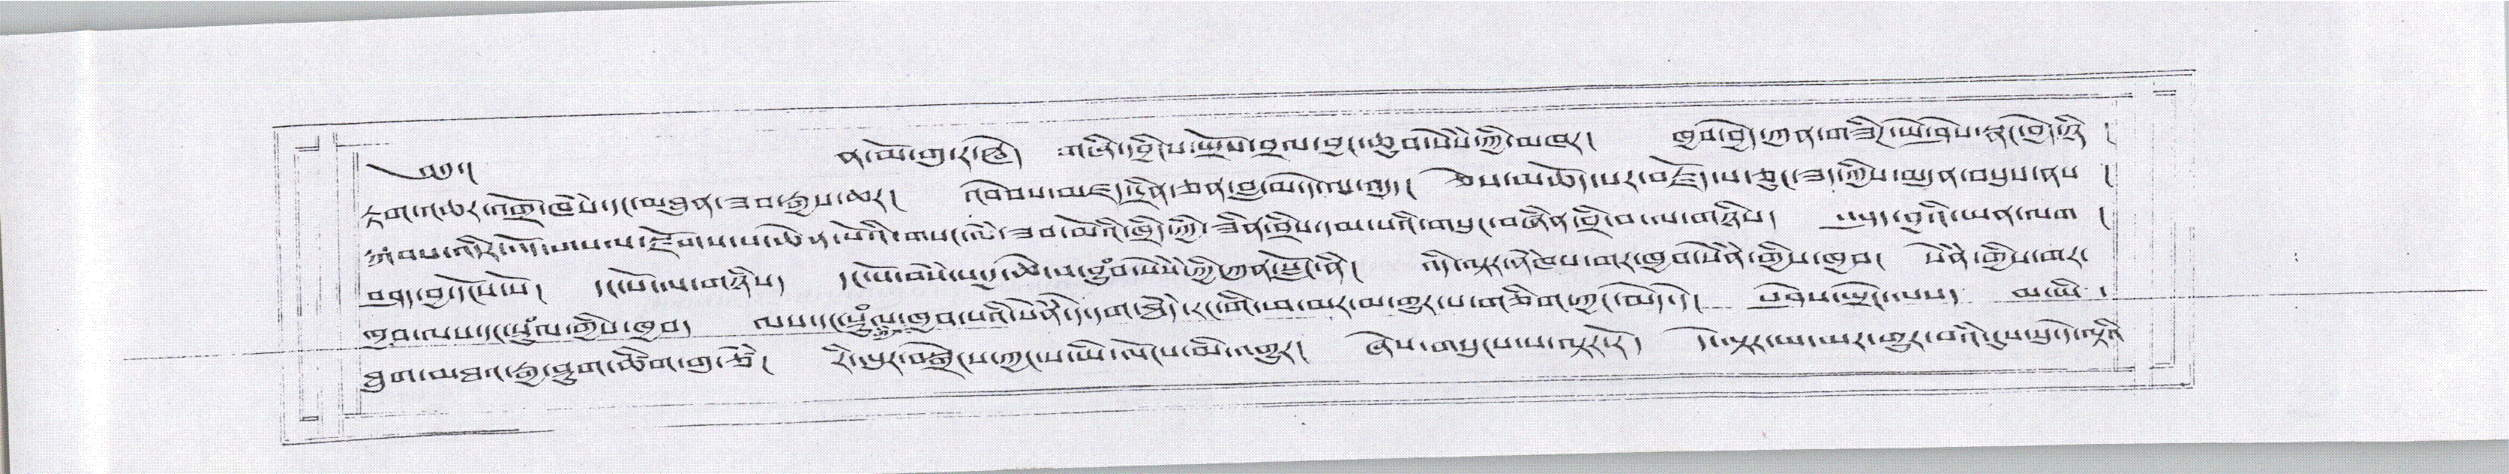༄༅།། ན་མོ་གུ་རུ་ཝེ། གཞི་དབྱིངས་སྤྲོས་བྲལ་བྱང་ཆུབ་སེམས་ཀྱི་མཁར། ཁྱབ་བྱེད་ཀུན་གཟིགས་ཡེ་ཤེས་སྣང་བྱེད་ཀྱི། 
རྟག་འཆར་འགྲོ་ཁམས་དང་མཐུན་ཟབ་རྒྱས་ཆར། འབེབས་མཛད་དྲིན་ཆེན་བླ་མ་དེ་ལ་འདུད། ཅེས་མཆོད་པར་བརྗོད་པ་ཅུང་ཟད་ཀྱིས་མདུན་བསུས་ནས་
སྐབས་འདིར་འོད་གསལ་རྫོགས་པ་ཆེན་པོའི་གསང་ལམ་ཟབ་མོའི་ཁྲིད་ཀྱི་ཟིན་བྲིས་དམ་པའི་གསུང་བཞིན་བྲི་བ་ལ་གཉིས། བཤད་བྱའི་ཡན་ལག 
བཤད་བྱ་དངོས་སོ། དང་པོ་ལ་གཉིས། དང་པོ་བསམ་པ་རྒྱ་ཆེ་བ་བྱང་ཆུབ་སེམས་ཀྱི་ཀུན་སློང་ནི། འདི་ལྟར་ནམ་མཁས་གར་ཁྱབ་སེམས་ཅན་གྱིས་ཁྱབ། སེམས་ཅན་གྱིས་གར་
ཁྱབ་ལས་དང་སྡུག་བསྔལ་གྱིས་ཁྱབ། ལས་དང་སྡུག་བསྔལ་གྱིས་ཁྱབ་པའི་སེམས་ཅན་དེ་དག་ཐམས་ཅད་རང་གི་ཕ་མར་མ་གྱུར་པ་གཅིག་ཀྱང་མེད་དེ། བཤེས་སྤྲིངས་ལས། མ་ཡི་
ཐུག་མཐའ་རྒྱ་ཤུག་ཚིག་གུ་ཙམ། རི་ལུར་བསྒྲངས་ཀྱང་ས་ཡིས་ལང་མི་འགྱུར། ཞེས་གསུངས་པ་ལྟར་རོ། དེ་ལྟར་ཕ་མར་གྱུར་པའི་དུས་སུ་དེ་ལྟའི་